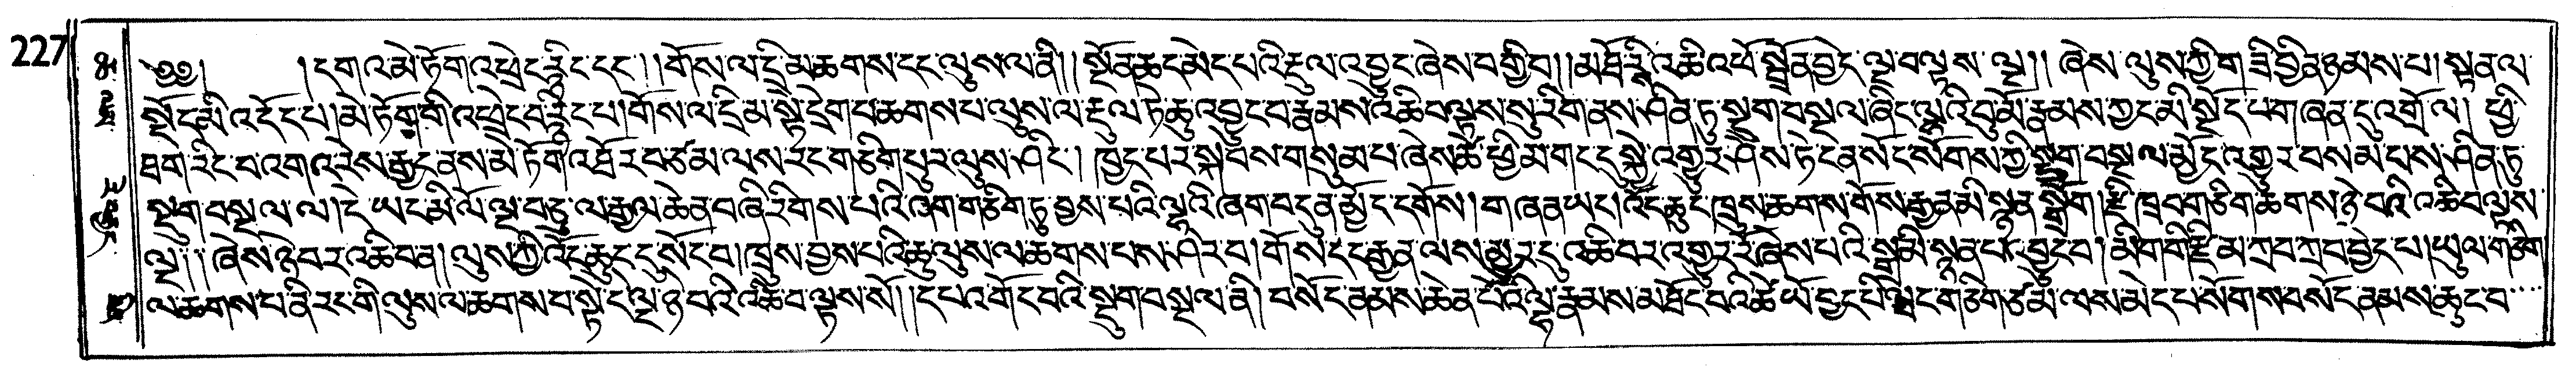༄༅། །དགའ་མེ་ཏོག་འཕྲེང་རྙིང་དང་། །གོས་ལ་དྲི་མ་ཆགས་དང་ལུས་ལ་ནི། །སྔོན་ཆད་མེད་པའི་རྡུལ་འབྱུང་ཞེས་བགྱི་བ། །མཐོ་རིས་འཆི་འཕོ་སྦྲོན་བྱེད་ལྔ་བལྟས་ལྔ། །ཞེས་ལུས་ཀྱི་གཟི་བྱིན་ཉམས་པ། སྟན་ལ་
སྡོད་མི་འདོད་པ། མེ་ཏོག་གི་འཕྲེང་བ་རྙིང་པ། གོས་ལ་དྲི་མ་སྟེ་དྲེག་པ་ཆགས་པ་ལུས་ལ་རྡུལ་ཏེ་ཆུ་འབྱུང་བ་རྣམས་འཆི་བལྟས་སུ་རིག་ནས་ཤིན་ཏུ་སྡུག་བསྔལ་ཞིང་ལྷའི་བུ་མོ་རྣམས་ཀྱང་མི་སྡོད་པ་གཞན་དུ་འགྲོ་ལ། ཕྱི་
ཐག་རིང་བ་འགའ་རེས་རྒྱང་ནས་མེ་ཏོག་འཐོར་བ་ཙམ་ལས་རང་གཅིག་པུར་ལུས་ཤིང་། ཁྱད་པར་སྐབས་གསུམ་པ་ཞེས་ཚེ་ཕྱི་མ་གང་དུ་སྐྱེ་འགྱུར་ཤེས་ཏེ་ངན་སོང་སོགས་ཀྱི་སྡུག་བསྔལ་མྱོང་འགྱུར་བསམ་པས་ཤིན་ཏུ་
སྡུག་བསྔལ་ལ། དེ་ཡང་མི་ལོ་ལྔ་བཅུ་ལ་རྒྱལ་ཆེན་བཞི་རིགས་པའི་ཞག་གཅིག་ཏུ་བྱས་པའི་ལྷའི་ཞག་བདུན་མྱོང་དགོས། གཞན་ཡང་། འོད་ཆུང་ཁྲུས་ཆགས་གོས་རྒྱན་མི་སྙན་སྒྲོག། རྫི་ཁྲབ་གཅིག་ཆགས་ཉེ་བའི་འཆི་བ་ལྟས་
ལྔ༑ ༑ཞེས་ཉེ་བར་འཆི་བ་ན། ལུས་ཀྱི་འོད་ཆུང་དུ་སོང་བ། ཁྲུས་བྱས་པའི་ཆུ་ལུས་ལ་ཆགས་པས་ཤེར་བ། གོས་དང་རྒྱན་ལས་མྱུར་དུ་འཆི་བར་འགྱུར་རོ་ཞེས་པའི་སྒྲ་མི་སྙན་པ་འབྱུང་བ། མིག་གི་རྫི་མ་ཀྲབ་ཀྲབ་བྱེད་པ། ཡུལ་གཅིག་
ལ་ཆགས་པ་ནི་རང་གི་ལུས་ལ་ཆགས་པ་སྟེ་དེ་ལྔ་ཉེ་བའི་འཆི་བ་ལྟས་སོ། །དཔའ་གོང་བའི་སྡུག་བསྔལ་ནི། བསོད་ནམས་ཆེན་པོའི་ལྷ་རྣམས་མཐོང་བའི་ཚེ་ཡོ་བྱད་པི་ཝང་གཅིག་ཙམ་ལས་མེད་པ་སོགས་བསོད་ནམས་ཆུང་བ་